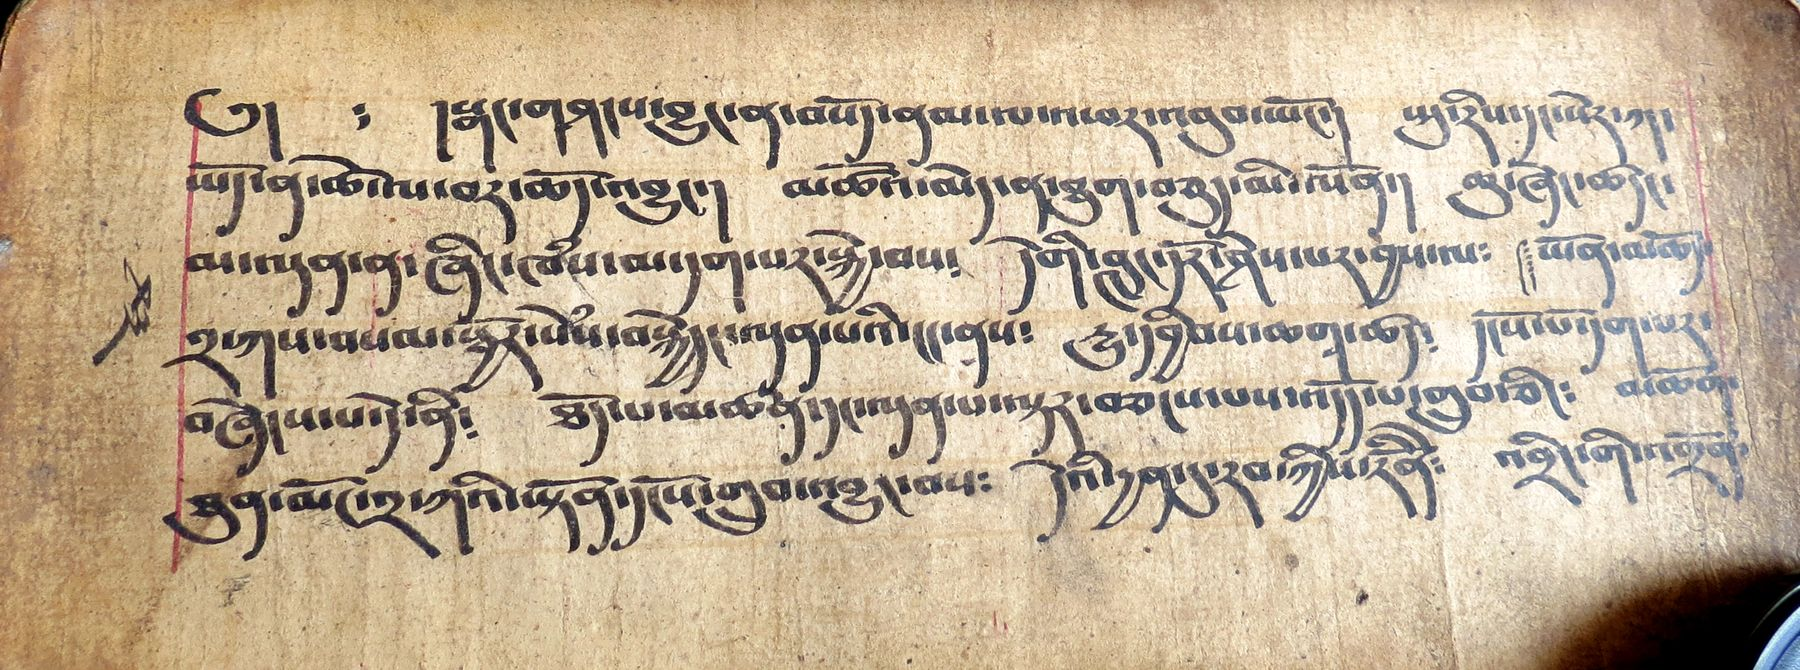སྒང་གཤོང་བྱུང་ན་བསོད་ནམས་འཕར་འབུབ་འོང་། སྤུ་རིས་དང་སེར་ཁ་
ཡོད་ན་ཚེ་ལ་བར་ཆོད་འབྱུང་། མཚོ་མེད་ན་ཐུགས་བཅུད་མི་ལོན། ཆུ་ཞེང་ཚད་དང་
མ་ལྡན་ན་ཞིང་ཁམས་མ་དག་པར་སྐྱེ་བས། དེ་དག་གི་བླང་དོར་ཤེས་པར་བྱས་ལ། ཡོན་མཆོད་
གཉིས་ཀ་བསམ་སྦྱོར་སེམས་བསྐྱེད་དང་ལྡན་པའི་སྒོ་ནས། རྒྱུ་དབྱིབས་ཆག་ཚད་དངོས་པོ་དག་པར་
བཞེངས་པ་དེ་ནི། ཐོད་པ་མཚན་ལྡན་ལྟར་བཅངས་པས་འདོད་པ་འགྲུབ་ཅིང་། མཆོག་
ཐུན་མོང་གཉིས་ཀའི་ཡོན་ཏན་དངོས་གྲུབ་འབྱུང་བས། དེའི་རྒྱན་དུ་རབ་ཀྱིས་རིན་པོ་ཆེ། འབྲིང་གིས་འགྲོན་